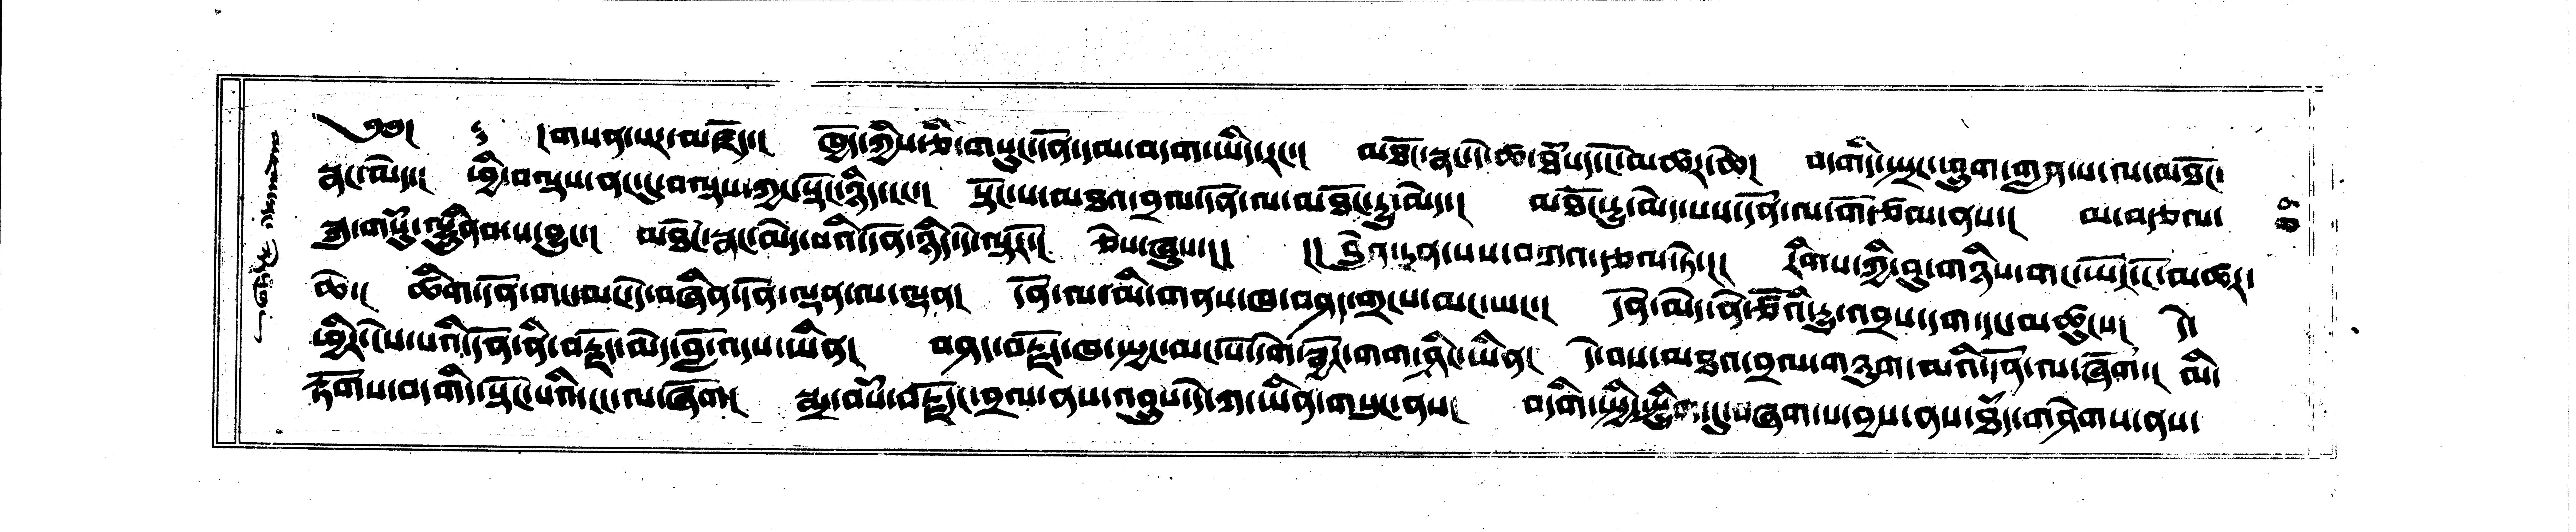གསན་པར་མཛོད། ཁྱོད་ཀྱིས་ཅི་གསུང་དོན་དམ་བདག་ཡིད་རང་། མཐོང་སྣང་དེ་ཚོ་ཐམས་ཅད་ངོ་མཚར་ཆེ། བདག་ཉིད་སྤྲང་ཕྲུག་གླན་པ་ལ་མཐོང་
སྣང་མེད། ཕྱི་བལྟས་ནང་དུ་བལྟས་ཀྱང་སྟོང་ཉིད་དང་། སྟོང་པ་མཐའ་བྲལ་དོན་ལ་མཐོང་རྒྱུ་མེད། མཐོང་རྒྱུ་མེད་པས་དོན་ལ་གོ་ཙམ་ནས། མ་བརྩལ་
སྐུ་གསུམ་ལྷུན་གྱིས་གྲུབ་པ་བྱུང་། མཐོང་སྣང་མེད་པའི་དོན་ཉིད་དེ་ལྟར་རོ། ཅེས་ཞུས། བླ་ཆེན་དྲན་པས་བཀའ་རྩལ་ཏེ། རིགས་ཀྱི་བུ་གཉིས་གང་ཡོད་ངོ་མཚར་
ཆེ། ཚིག་དོན་གང་མང་དེ་བཞིན་དོན་ལྡན་མ་ལྡན། དོན་ལ་མི་གནས་ཁ་བཤད་གྲངས་མང་ཡང་། དོན་མེད་ནེ་ཙོའི་རྒྱུ་འབྲས་དག་དང་མཚུངས། དེ་
ཕྱིར་ངེས་པའི་དོན་ནི་བརྗོད་མེད་བློ་འདས་ཡིན། བཤད་བརྗོད་ཁ་སྤྱང་མང་པོ་དགེ་སྦྱོར་གག་ཤིང་ཡིན། དེ་བས་མཐའ་བྲལ་གཉུག་མའི་དོན་ལ་ཞོག མི་
རྟོག་བདག་གི་སྟོང་པའི་ངང་ལ་ཞོག སྨྲ་བསམ་བརྗོད་དང་བྲལ་ནས་འབྲས་བུ་དེ་ཀ་ཡིན་གསུངས་ནས། བདག་གི་སྤྱི་གཙུག་ཏུ་བཞག་པ་བྱས་ནས་ཐམས་ཅད་གཤེགས་ནས་